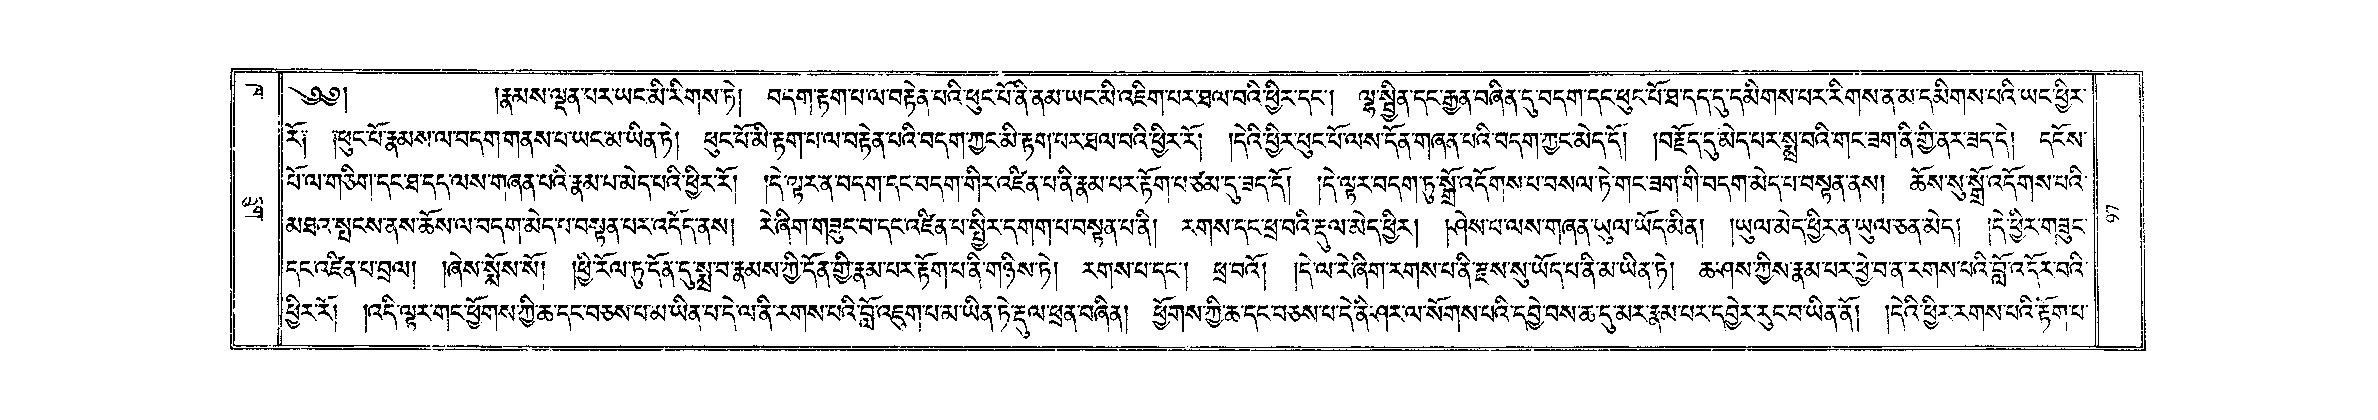༄༅། །རྣམས་ལྡན་པར་ཡང་མི་རིགས་ཏེ། བདག་རྟག་པ་ལ་བརྟེན་པའི་ཕུང་པོ་ནི་ནམ་ཡང་མི་འཇིག་པར་ཐལ་བའི་ཕྱིར་དང་། ལྷ་སྦྱིན་དང་རྒྱན་བཞིན་དུ་བདག་དང་ཕུང་པོ་ཐ་དད་དུ་དམིགས་པར་རིགས་ན་མ་དམིགས་པའི་ཡང་ཕྱིར་
རོ༑ ༑ཕུང་པོ་རྣམས་ལ་བདག་གནས་པ་ཡང་མ་ཡིན་ཏེ། ཕུང་པོ་མི་རྟག་པ་ལ་བརྟེན་པའི་བདག་ཀྱང་མི་རྟག་པར་ཐལ་བའི་ཕྱིར་རོ། །དེའི་ཕྱིར་ཕུང་པོ་ལས་དོན་གཞན་པའི་བདག་ཀྱང་མེད་དོ། །བརྗོད་དུ་མེད་པར་སྨྲ་བའི་གང་ཟག་ནི་གྱི་ནར་ཟད་དེ། དངོས་
པོ་ལ་གཅིག་དང་ཐ་དད་ལས་གཞན་པའི་རྣམ་པ་མེད་པའི་ཕྱིར་རོ། །དེ་ལྟར་ན་བདག་དང་བདག་གིར་འཛིན་པ་ནི་རྣམ་པར་རྟོག་པ་ཙམ་དུ་ཟད་དོ། །དེ་ལྟར་བདག་ཏུ་སྒྲོ་འདོགས་པ་བསལ་ཏེ་གང་ཟག་གི་བདག་མེད་པ་བསྟན་ནས། ཆོས་སུ་སྒྲོ་འདོགས་པའི་
མཐའ་སྤངས་ནས་ཆོས་ལ་བདག་མེད་པ་བསྟན་པར་འདོད་ནས། རེ་ཞིག་གཟུང་བ་དང་འཛིན་པ་སྤྱིར་དགག་པ་བསྟན་པ་ནི། རགས་དང་ཕྲ་བའི་རྡུལ་མེད་ཕྱིར། །ཤེས་པ་ལས་གཞན་ཡུལ་ཡོད་མིན། །ཡུལ་མེད་ཕྱིར་ན་ཡུལ་ཅན་མེད། །དེ་ཕྱིར་གཟུང་
དང་འཛིན་པ་བྲལ། །ཞེས་སྨོས་སོ། །ཕྱི་རོལ་ཏུ་དོན་དུ་སྨྲ་བ་རྣམས་ཀྱི་དོན་གྱི་རྣམ་པར་རྟོག་པ་ནི་གཉིས་ཏེ། རགས་པ་དང་། ཕྲ་བའོ། །དེ་ལ་རེ་ཞིག་རགས་པ་ནི་རྫས་སུ་ཡོད་པ་ནི་མ་ཡིན་ཏེ། ཆ་ཤས་ཀྱིས་རྣམ་པར་ཕྱེ་བ་ན་རགས་པའི་བློ་འདོར་བའི་
ཕྱིར་རོ། །འདི་ལྟར་གང་ཕྱོགས་ཀྱི་ཆ་དང་བཅས་པ་མ་ཡིན་པ་དེ་ལ་ནི་རགས་པའི་བློ་འཇུག་པ་མ་ཡིན་ཏེ་རྡུལ་ཕྲན་བཞིན། ཕྱོགས་ཀྱི་ཆ་དང་བཅས་པ་དེ་ནི་ཤར་ལ་སོགས་པའི་དབྱེ་བས་ཆ་དུ་མར་རྣམ་པར་དབྱེར་རུང་བ་ཡིན་ནོ། །དེའི་ཕྱིར་རགས་པའི་རྟོག་པ་